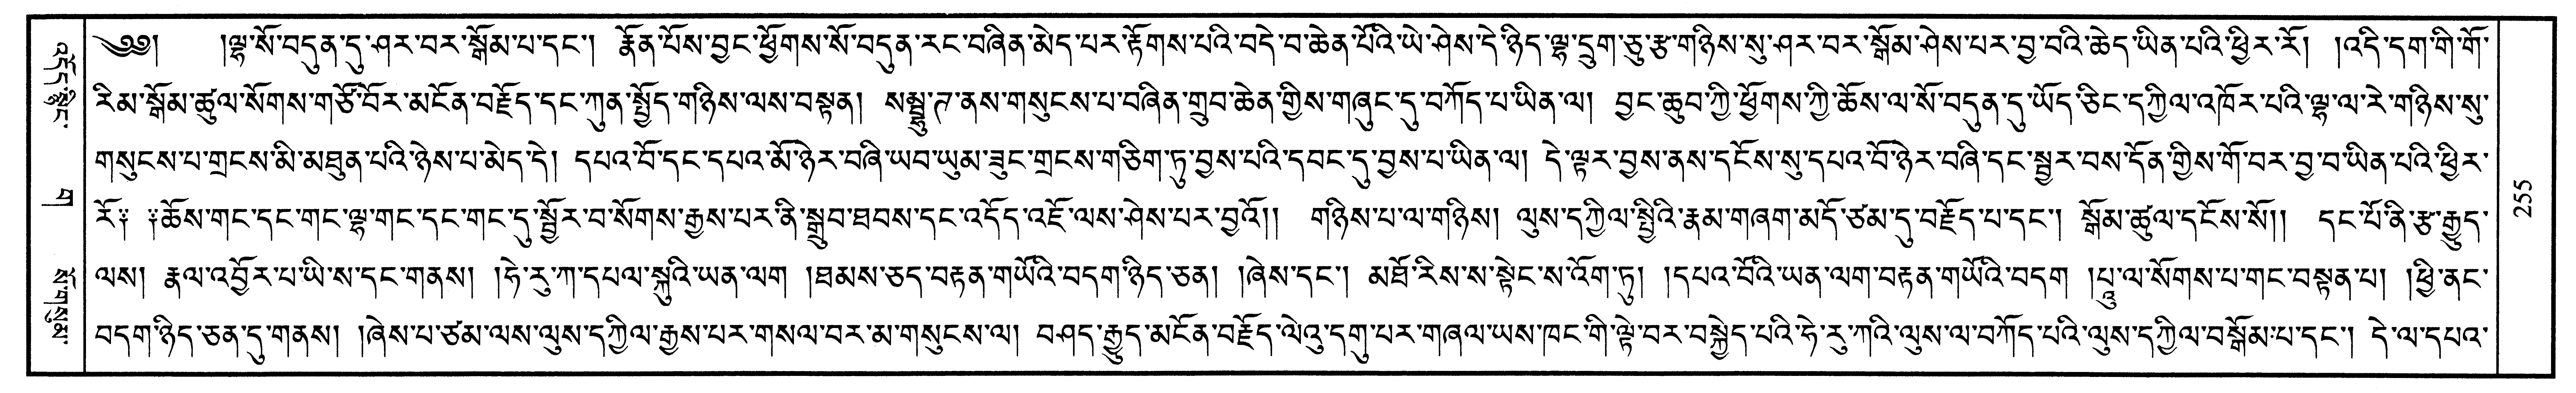༄༅། །ལྷ་སོ་བདུན་དུ་ཤར་བར་སྒོམ་པ་དང་། རྣོན་པོས་བྱང་ཕྱོགས་སོ་བདུན་རང་བཞིན་མེད་པར་རྟོགས་པའི་བདེ་བ་ཆེན་པོའི་ཡེ་ཤེས་དེ་ཉིད་ལྷ་དྲུག་ཅུ་རྩ་གཉིས་སུ་ཤར་བར་སྒོམ་ཤེས་པར་བྱ་བའི་ཆེད་ཡིན་པའི་ཕྱིར་རོ། །འདི་དག་གི་གོ་
རིམ་སྒོམ་ཚུལ་སོགས་གཙོ་བོར་མངོན་བརྗོད་དང་ཀུན་སྤྱོད་གཉིས་ལས་བསྟན། སམྦྷུ་ཊ་ནས་གསུངས་པ་བཞིན་གྲུབ་ཆེན་གྱིས་གཞུང་དུ་བཀོད་པ་ཡིན་ལ། བྱང་ཆུབ་ཀྱི་ཕྱོགས་ཀྱི་ཆོས་ལ་སོ་བདུན་དུ་ཡོད་ཅིང་དཀྱིལ་འཁོར་པའི་ལྷ་ལ་རེ་གཉིས་སུ་
གསུངས་པ་གྲངས་མི་མཐུན་པའི་ཉེས་པ་མེད་དེ། དཔའ་བོ་དང་དཔའ་མོ་ཉེར་བཞི་ཡབ་ཡུམ་ཟུང་གྲངས་གཅིག་ཏུ་བྱས་པའི་དབང་དུ་བྱས་པ་ཡིན་ལ། དེ་ལྟར་བྱས་ནས་དངོས་སུ་དཔའ་བོ་ཉེར་བཞི་དང་སྦྱར་བས་དོན་གྱིས་གོ་བར་བྱ་བ་ཡིན་པའི་ཕྱིར་
རོ༑ ༑ཆོས་གང་དང་གང་ལྷ་གང་དང་གང་དུ་སྦྱོར་བ་སོགས་རྒྱས་པར་ནི་སྒྲུབ་ཐབས་དང་འདོད་འཇོ་ལས་ཤེས་པར་བྱའོ།། གཉིས་པ་ལ་གཉིས། ལུས་དཀྱིལ་སྤྱིའི་རྣམ་གཞག་མདོ་ཙམ་དུ་བརྗོད་པ་དང་། སྒོམ་ཚུལ་དངོས་སོ།། དང་པོ་ནི་རྩ་རྒྱུད་
ལས། རྣལ་འབྱོར་པ་ཡི་ས་དང་གནས། །ཧེ་རུ་ཀ་དཔལ་སྐུའི་ཡན་ལག །ཐམས་ཅད་བརྟན་གཡོའི་བདག་ཉིད་ཅན། །ཞེས་དང་། མཐོ་རིས་ས་སྟེང་ས་འོག་ཏུ། །དཔའ་བོའི་ཡན་ལག་བརྟན་གཡོའི་བདག །པཱུ་ལ་སོགས་པ་གང་བསྟན་པ། །ཕྱི་ནང་
བདག་ཉིད་ཅན་དུ་གནས། །ཞེས་པ་ཙམ་ལས་ལུས་དཀྱིལ་རྒྱས་པར་གསལ་བར་མ་གསུངས་ལ། བཤད་རྒྱུད་མངོན་བརྗོད་ལེའུ་དགུ་པར་གཞལ་ཡས་ཁང་གི་ལྟེ་བར་བསྐྱེད་པའི་ཧེ་རུ་ཀའི་ལུས་ལ་བཀོད་པའི་ལུས་དཀྱིལ་བསྒོམ་པ་དང་། དེ་ལ་དཔའ་